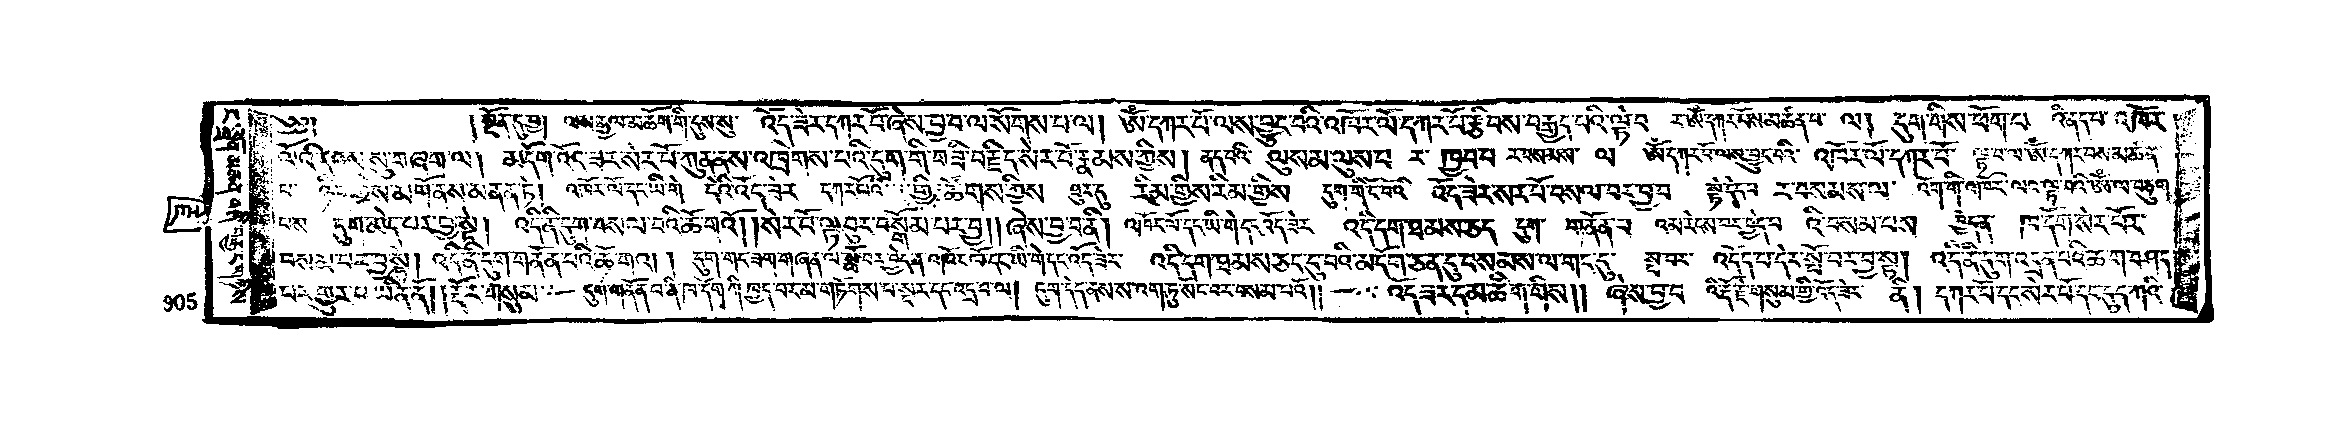༄༅། །སྔོན་དུ་བྱ། ལས་རྒྱལ་མཆོག་གི་དུས་སུ་འོད་ཟེར་དཀར་པོ་ཞེས་བྱ་བ་ལ་སོགས་པ་ལ། ཨོཾ་དཀར་པོ་ལས་བྱུང་བའི་འཁོར་ལོ་དཀར་པོ་རྩིབས་བརྒྱད་པའི་ལྟེ་བར་ཨོཾ་དཀར་པོས་མཚན་པ་ལ། དུག་གིས་ཕོག་པའི་ནད་པ་འཁོར་
ལོའི་དབུས་སུ་གཞག་ལ། མདོག་འོད་ཟེར་སེར་པོ་ཀུན་ནས་འཁྲིགས་པའི་དུག་གི་གཟི་བརྗིད་སེར་པོ་རྣམས་ཀྱིས། ནད་པའི་ལུས་མ་ལུས་པར་ཁྱབ་པར་བསམས་ལ་ཨོཾ་དཀར་པོ་ལས་བྱུང་བའི་འཁོར་ལོ་དཀར་པོ་ལྟ་བ་ལ་ཨོཾ་དཀར་པས་མཚན་
པ་ཉིད་ཀྱིས་མགོ་ནས་མནན་ཏེ། འཁོར་ལོ་དང་ཡི་གེ་དེའི་འོད་ཟེར་དཀར་པོའི་གྱི་ཚོགས་ཀྱིས་ཐུར་དུ་རིམ་གྱིས་རིམ་གྱིས་དུག་གི་ངོ་བོའི་འོད་ཟེར་སེར་པོ་བསལ་བར་བྱ་བ་སྟེ་དེད་པར་བསམས་ལ་འོག་གི་འཁོར་ལོའི་ལྟ་བའི་ཨོཾ་ལ་བཅུག་
པས་དུག་མེད་པར་བྱ་སྟེ། འདི་ནི་དུག་བསལ་བའི་ཆོ་གའོ། །སེར་པོ་ལྟ་བུར་བསྒོམ་པར་བྱ། །ཞེས་བྱ་བ་ནི། འཁོར་ལོ་དང་ཡི་གེ་དང་འོད་ཟེར་འདི་དག་ཐམས་ཅད་དུག་གནོན་པའམ་རེངས་པར་བྱེད་པའི་བསམ་པས་བྱེད་ན་ཁ་དོག་སེར་པོར་
བསམ་པར་བྱ་སྟེ། འདི་ནི་དུག་གནོན་པའི་ཆོ་གའོ། ། དུག་གང་ཟག་གཞན་ལ་སྤོ་བར་བྱེད་ན་འཁོར་ལོ་དང་ཡི་གེ་དང་འོད་ཟེར་འདི་དག་ཐམས་ཅད་དུ་བའི་མདོག་ཅན་དུ་བསམས་ལ་གང་དུ་སྤ་བར་འདོད་པ་དེར་སྤོ་བར་བྱ་སྟེ། འདི་ནི་དུག་འདྲན་པའི་ཆོ་ག་བཤད་
པར་གྱུར་པ་ཡིན་ནོ། །རྡོར་གསུམ་དུག་གནོན་པ་ནི་ཁ་དོག་གི་ཁྱད་པར་མ་གཏོགས་པ་སྔར་དང་འདྲ་བ་ལ། དུག་དེད་ནས་ས་འོག་ཏུ་སོང་བར་བསམ་པའོ།།  འོད་ཟེར་དམ་ཚིག་གིས། །ཞེས་བྱ་བའི་རྡོ་རྗེ་གསུམ་གྱི་འོད་ཟེར་ནི། དཀར་པོ་དང་སེར་པོ་དང་དུད་གའི་